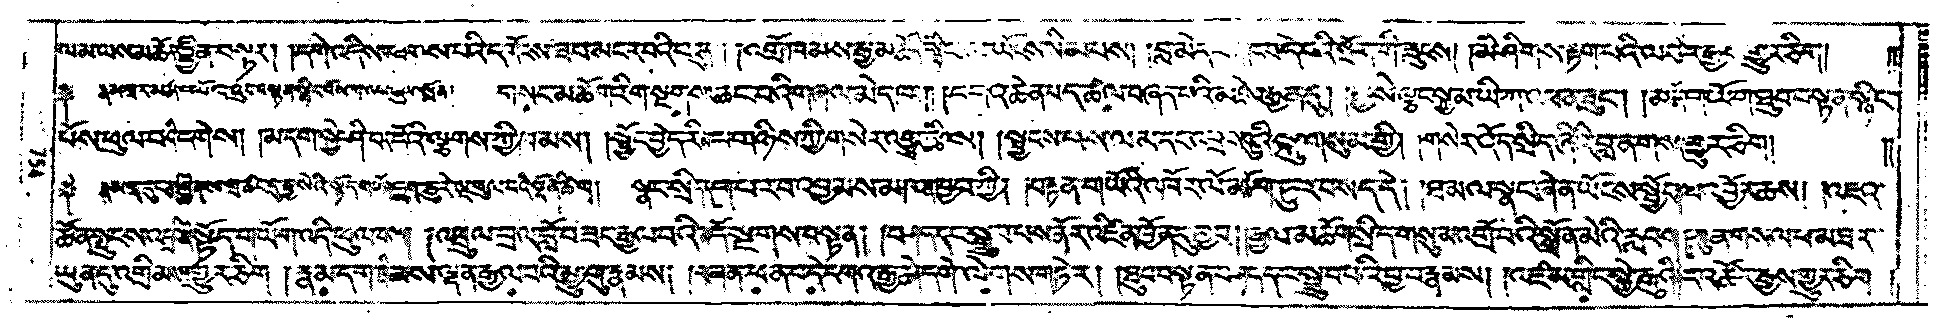ལམ་ལས་མཆོད་སྦྱིན་བསྟར། །དགེ་འདིས་འཕགས་པའི་དགོངས་ཟབ་མངར་བའི་བཅུད། །འགྲོ་ཁམས་རྒྱ་མཚོའི་སྙིང་ལ་ཡོངས་སིམ་པས། །བླ་མེད་ཕན་དང་བདེ་བའི་སྲོག་གི་ཟུངས། །མི་ཤིགས་རྟག་པའི་ལང་ཚོར་རྒྱས་གྱུར་ཅིག ། །།
༈ རྣམ་གྲར་མཆོད་གཡོག་ཐུབ་བསྟན་སྙིང་པོས་ཀ་འཕན་ཕུལ་སྨོན།  གསང྾་མཆོག་རིག་སྔགས྾་འཆང་བའི་གཞལ་མེད་ཁང་། །དགའ྾་ཆེན་པད་ཚལ྾་བཞད་པའི་མཛེས་རྒྱན་དུ། །རྒྱ་སེ་ལྕང་སྐྱ་མ་ཡི་ཀ་འཕན་ཟུང་། །མཆོད་གཡོག་ཐུབ་བསྟན་སྙིང་
པོས་ཕུལ་བའི་དགེས། །མ་དག་སྐྱེ་ཤི་བར་དོའི་ལྕགས་ཀྱི་ཁམས། །སྦྱོང་བྱེད་རིམ་པ་གཉིས་ཀྱི་གསེར་འགྱུར་རྩིས། །སྦྱངས་པས་ལམ་དང་འབྲས་བུའི་སྐུ་གསུམ་གྱི། །གསེར་འོད་སྲིད་ཞིའི་བླ་ན་གསལ་གྱུར་ཅིག ། །།
༈ རྣམ་གྲ་དུང་རྒྱ་སྤྱི་ནས་གྲྭ་ཚང་དུ་རྒྱ་སེའི་སྟོད་གཡོག་དྲུག་ཅུ་རེ་ལྔ་ཕུལ་བའི་སྨོན་ཚིག ། སྣང་སྲིད་དག་པ་རབ་འབྱམས་མཁའ་ཁྱབ་ཀྱི། །བརྟན་གཡོའི་འཁོར་ལོ་མཆོག་ཏུ་རབ་སད་དེ། །ཐ་མལ་སྣང་ཞེན་ཡོངས་སྦྱོང་རྣལ་འབྱོར་ཆས། །འཇའ་
ཚོན་སྤུངས་འདྲའི་སྟོད་གཡོག་འདི་ཕུལ་བས། །འཁྲུལ་བྲལ་བློ་བཟང་རྒྱལ་བའི་མདོ་སྔགས་བསྟན། །བཤད་དང་སྒྲུབ་པས་ནོར་འཛིན་ཁྱོན་དུ་ཁྱབ། །རྒྱལ་མཆོག་སྲིད་གསུམ་འགྲོ་བའི་སྒྲོན་མེའི་རླབས། །ཀུན་གསལ་ཕ་མཐར་
ཡུན་དུ་འགྲིམས་གྱུར་ཅིག །རྣམ྾་དག་ཁྲིམས་ལྡན་རྒྱལ྾་པའི་མྱུ་གུ་རྣམས། །གཞན་ཕན྾་བདེ྾་དགའ་རྒྱ་ཆེན་དགེ་ལེགས྾་གཏེར། །ཐུབ་བསྟན་བཤད྾་དང་སྒྲུབ་པའི་བྱ་བ་རྣམས། །འཛམ་གླིང྾་སྐྱེ་རྒུའི་ཉེར་འཚོར་རྒྱས་གྱུར་ཅིག །